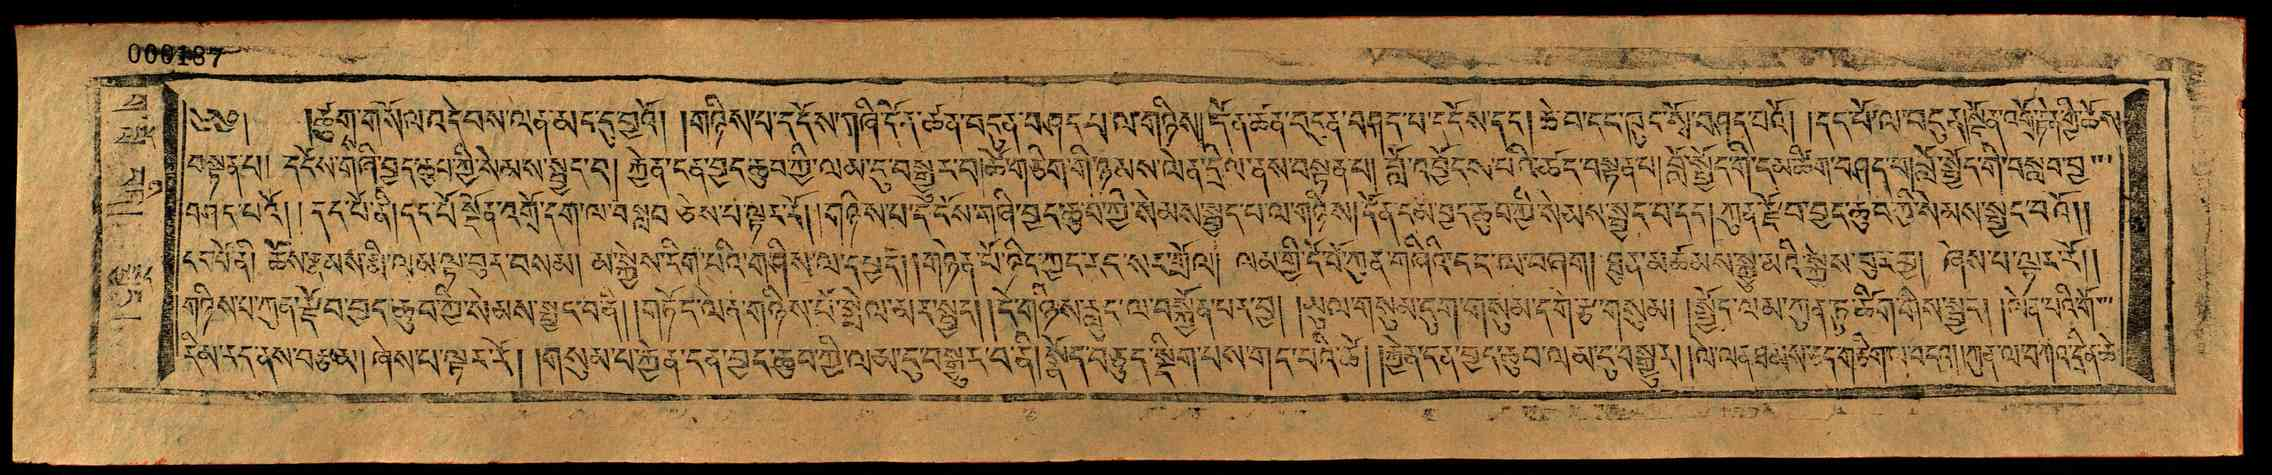༄༅། །ཚུགས་གསོལ་འདེབས་ལན་མང་དུ་བྱའོ། །གཉིས་པ་དངོས་གཞི་དོན་ཚན་བདུན་བཤད་པ་ལ་གཉིས། དོན་ཚན་བདུན་བཤད་པ་དངོས་དང་། ཆེ་བ་དང་ཁུང་སྭོ་བཤད་པའོ། །དང་པོ་ལ་བདུན། སྔོན་འགྲོ་རྟེན་གྱི་ཆོས་
བསྟན་པ། དངོས་གཞི་བྱང་ཆུབ་ཀྱི་སེམས་སྦྱང་བ། རྐྱེན་ངན་བྱང་ཆུབ་ཀྱི་ལམ་དུ་བསྒྱུར་བ། ཚེ་གཅིག་གི་ཉམས་ལེན་དྲིལ་ནས་བསྟན་པ། བློ་འབྱོངས་པའི་ཚད་བསྟད་བསྟན་པ། བློ་སྦྱོང་གི་དམ་ཚིག་བཤད་པ། བློ་སྦྱོང་གི་བསླབ་བྱ་
བཤད་པའོ། །དང་པོ་ནི། དང་པོ་སྔོན་འགྲོ་དག་ལ་བསླབ། ཅེས་པ་ལྟར་རོ། །གཉིས་པ་དངོས་གཞི་བྱང་ཆུབ་ཀྱི་སེམས་སྦྱང་བ་ལ་གཉིས། དོན་དམ་བྱང་ཆུབ་ཀྱི་སེམས་སྦྱང་བ་དང་། ཀུན་རྫོབ་བྱང་ཆུབ་ཀྱི་སེམས་སྦྱང་བའོ། །
དང་པོ་ནི། ཆོས་རྣམས་རྨི་ལམ་ལྟ་བུར་བསམ། མ་སྐྱེས་རིག་པའི་གཤིས་ལ་དཔྱད། །གཉེན་པོ་ཉིད་ཀྱང་རང་སར་གྲོལ། ལམ་གྱི་ངོ་བོ་ཀུན་གཞིའི་ངང་ལ་བཞག །ཐུན་མཚམས་སྒྱུ་མའི་སྐྱེས་བུར་བྱ། ཞེས་པ་ལྟར་རོ། །
གཉིས་པ་ཀུན་རྫོབ་བྱང་ཆུབ་ཀྱི་སེམས་སྦྱང་བ་ནི། །གཏོང་ལེན་གཉིས་པོ་སྤེལ་མར་སྦྱང་། །དེ་གཉིས་རླུང་ལ་བསྐྱོད་པར་བྱ། །ཡུལ་གསུམ་དུག་གསུམ་དགེ་རྩ་གསུམ། །སྤྱོད་ལམ་ཀུན་ཏུ་ཚིག་གིས་སྦྱང་། །ལེན་པའི་གོ་
རིམ་རང་ནས་བརྩམ། ཞེས་པ་ལྟར་རོ། །གསུམ་པ་རྐྱེན་ངན་བྱང་ཆུབ་ཀྱི་ལམ་དུ་བསྒྱུར་བ་ནི། སྣོད་བཅུད་སྡིག་པས་གང་བའི་ཚེ། །རྐྱེན་ངན་བྱང་ཆུབ་ལམ་དུ་བསྒྱུར། །ལེ་ལན་ཐམས་ཅད་གཅིག་ལ་བདའ། །ཀུན་ལ་བཀའ་དྲིན་ཆེ་